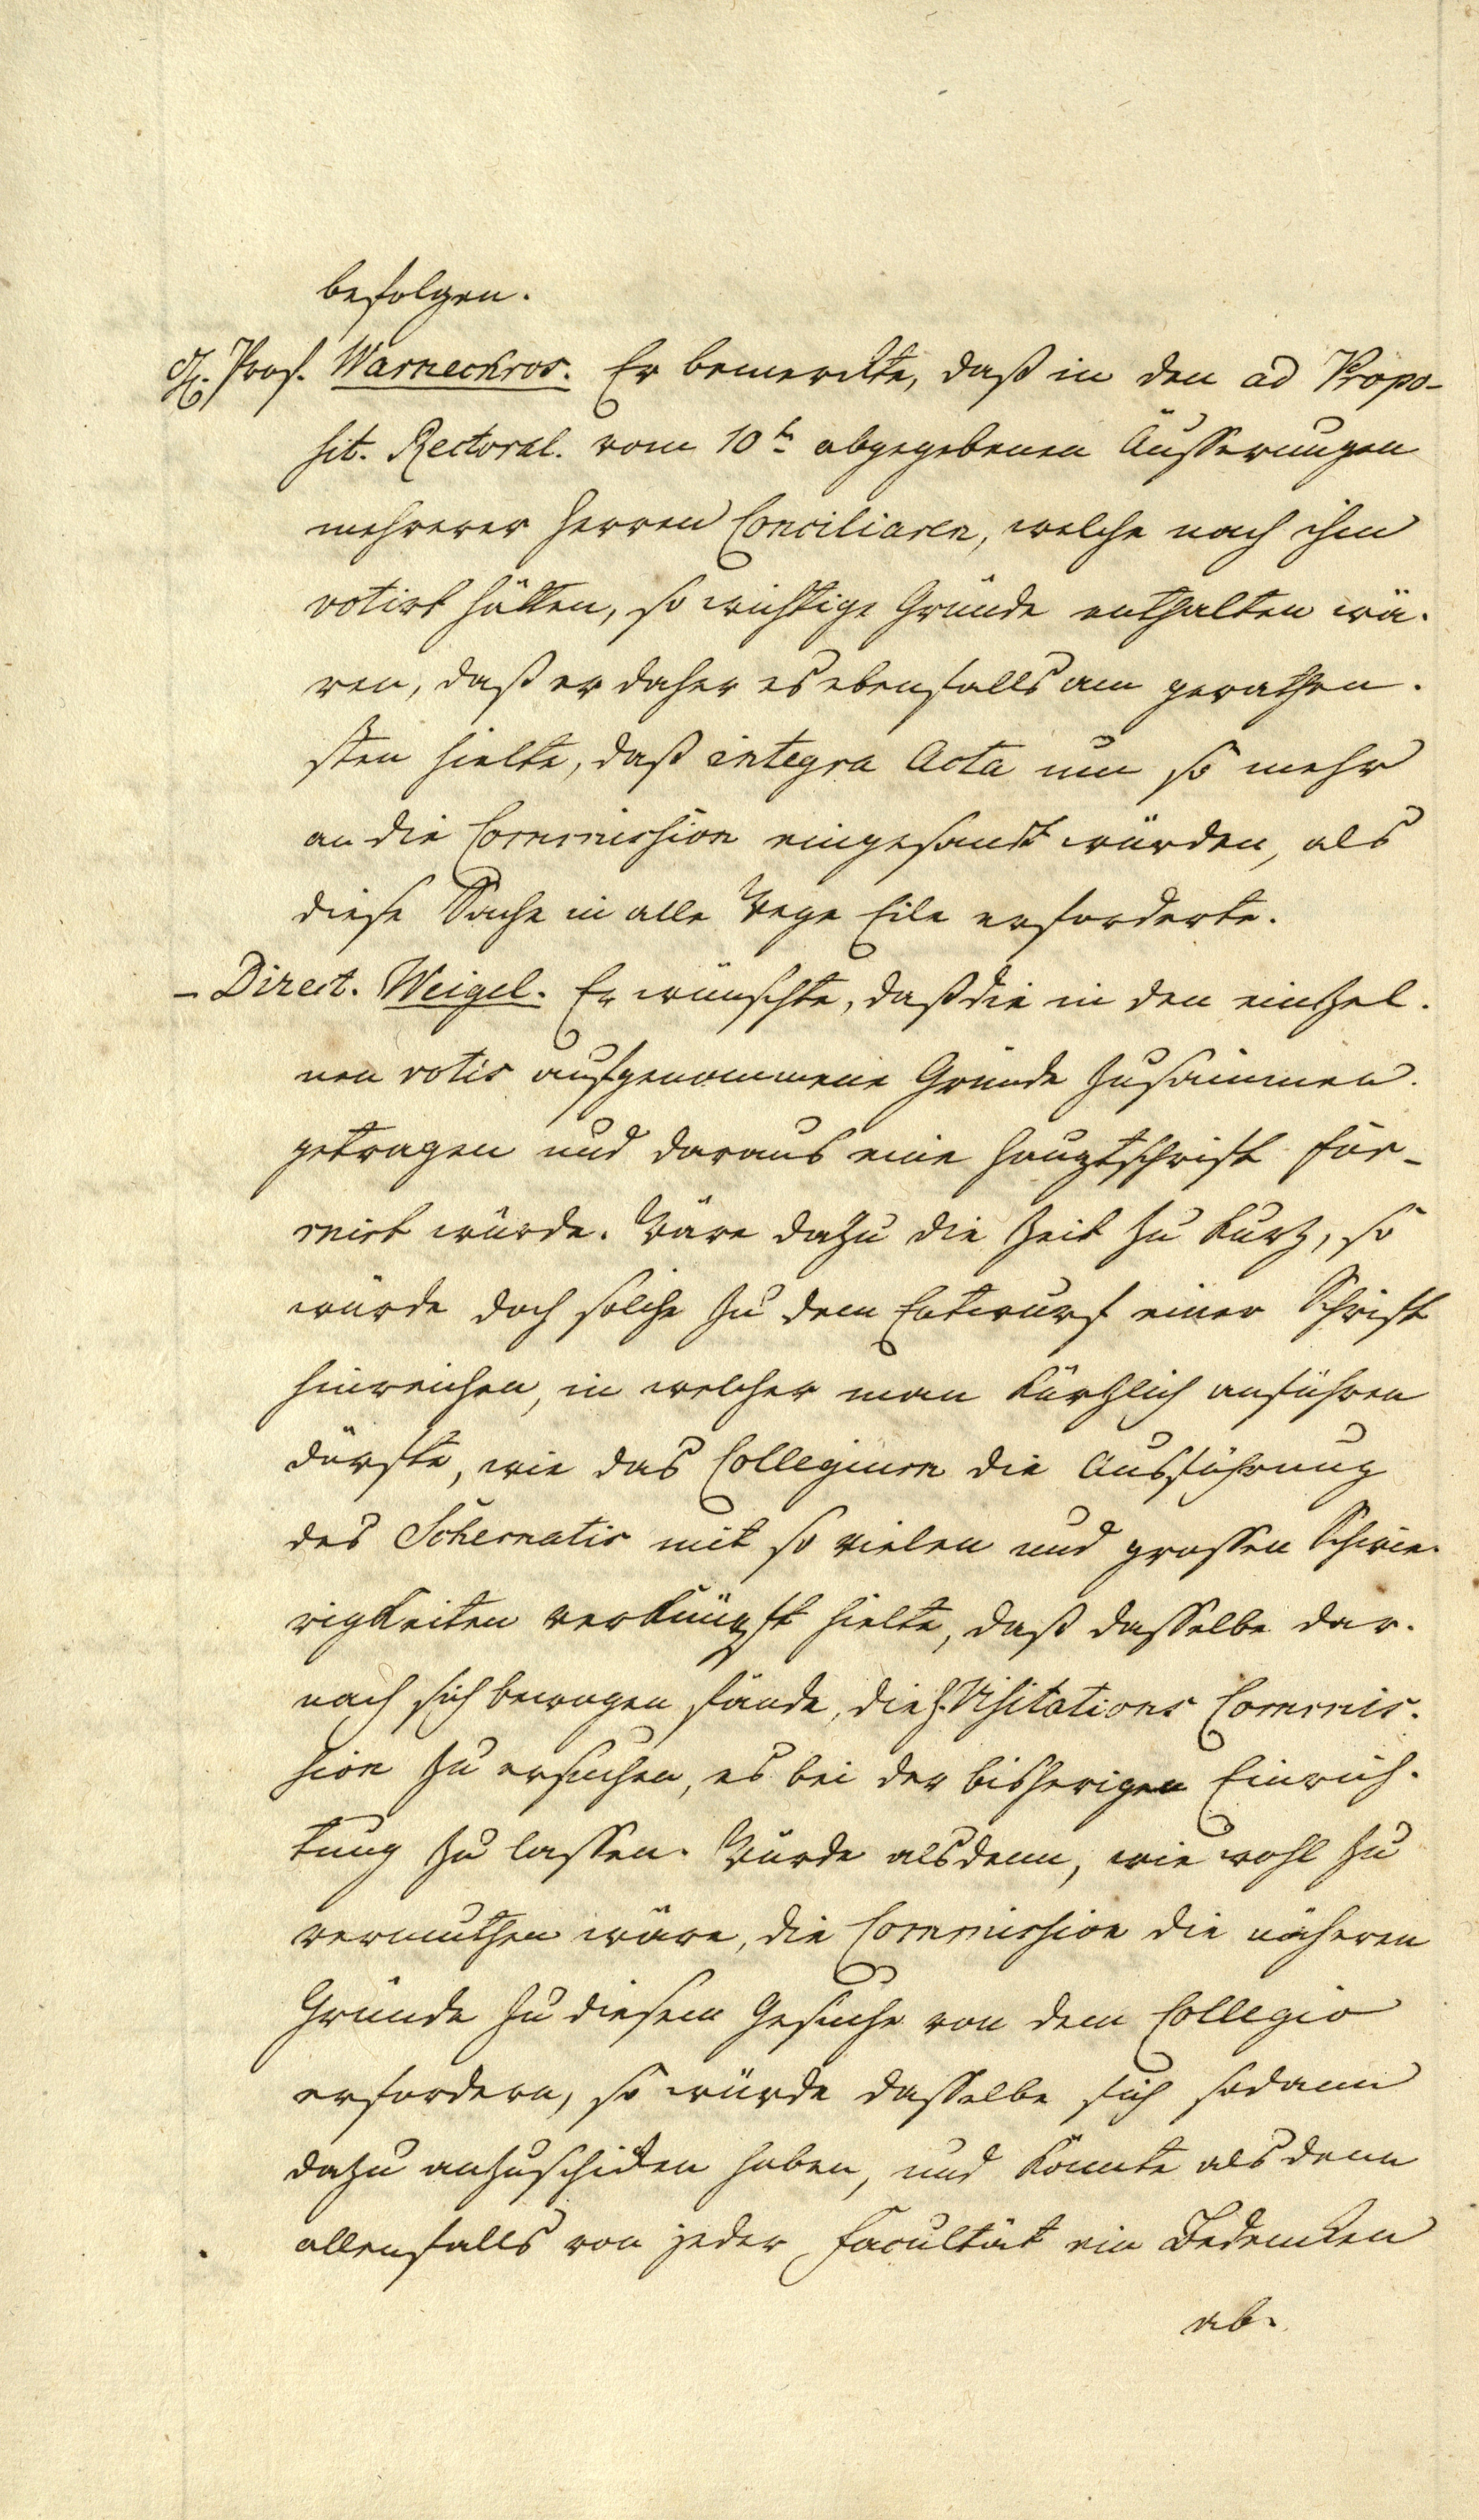befolgen.
dh. Prof. Warneckros. Er bemerkte, daß in den ad Propo-
sit. Rectoral. vom 10ten abgegebenen Äusserungen
mehrerer Herrn Conciliaren, welche nach ihm
votirt hätten, so wichtige Gründe enthalten wä-
ren, daß er daher es ebenfalls am gerathen-
sten hielte, daß integra Acta um so mehr
an die Commission eingesandt würden, als
diese Sache in alle Wege Eile erforderte.
- Direct. Weigel. Er wünschte, daß die in den einzel-
nen votis aufgenommene Gründe zusammen-
getragen und daraus eine Hauptschrift for-
mirt würde. Wäre dazu die Zeit zu kurz, so
würde doch solche zu dem Entwurf einer Schrift
hinreichen, in welcher man kürzlich anführen
dürfte, wie das Collegium die Ausführung
des Schematis mit so vielen und grossen Schwie-
rigkeiten verknüpft hielte, daß dasselbe dar-
nach sich bewogen fände, die h. Visitations Commis-
sion zu ersuchen, es bei der bisherigen Einrich-
tung zu lassen. Würde alsdann, wie wohl zu
vermuthen wäre, die Commission die näheren
Gründe zu diesem Gesuche von dem Collegio
erfordern, so würde dasselbe sich sodann
dazu anzuschicken haben, und könnte alsdenn
allenfalls von jeder Facultät ein Bedenken
ab-